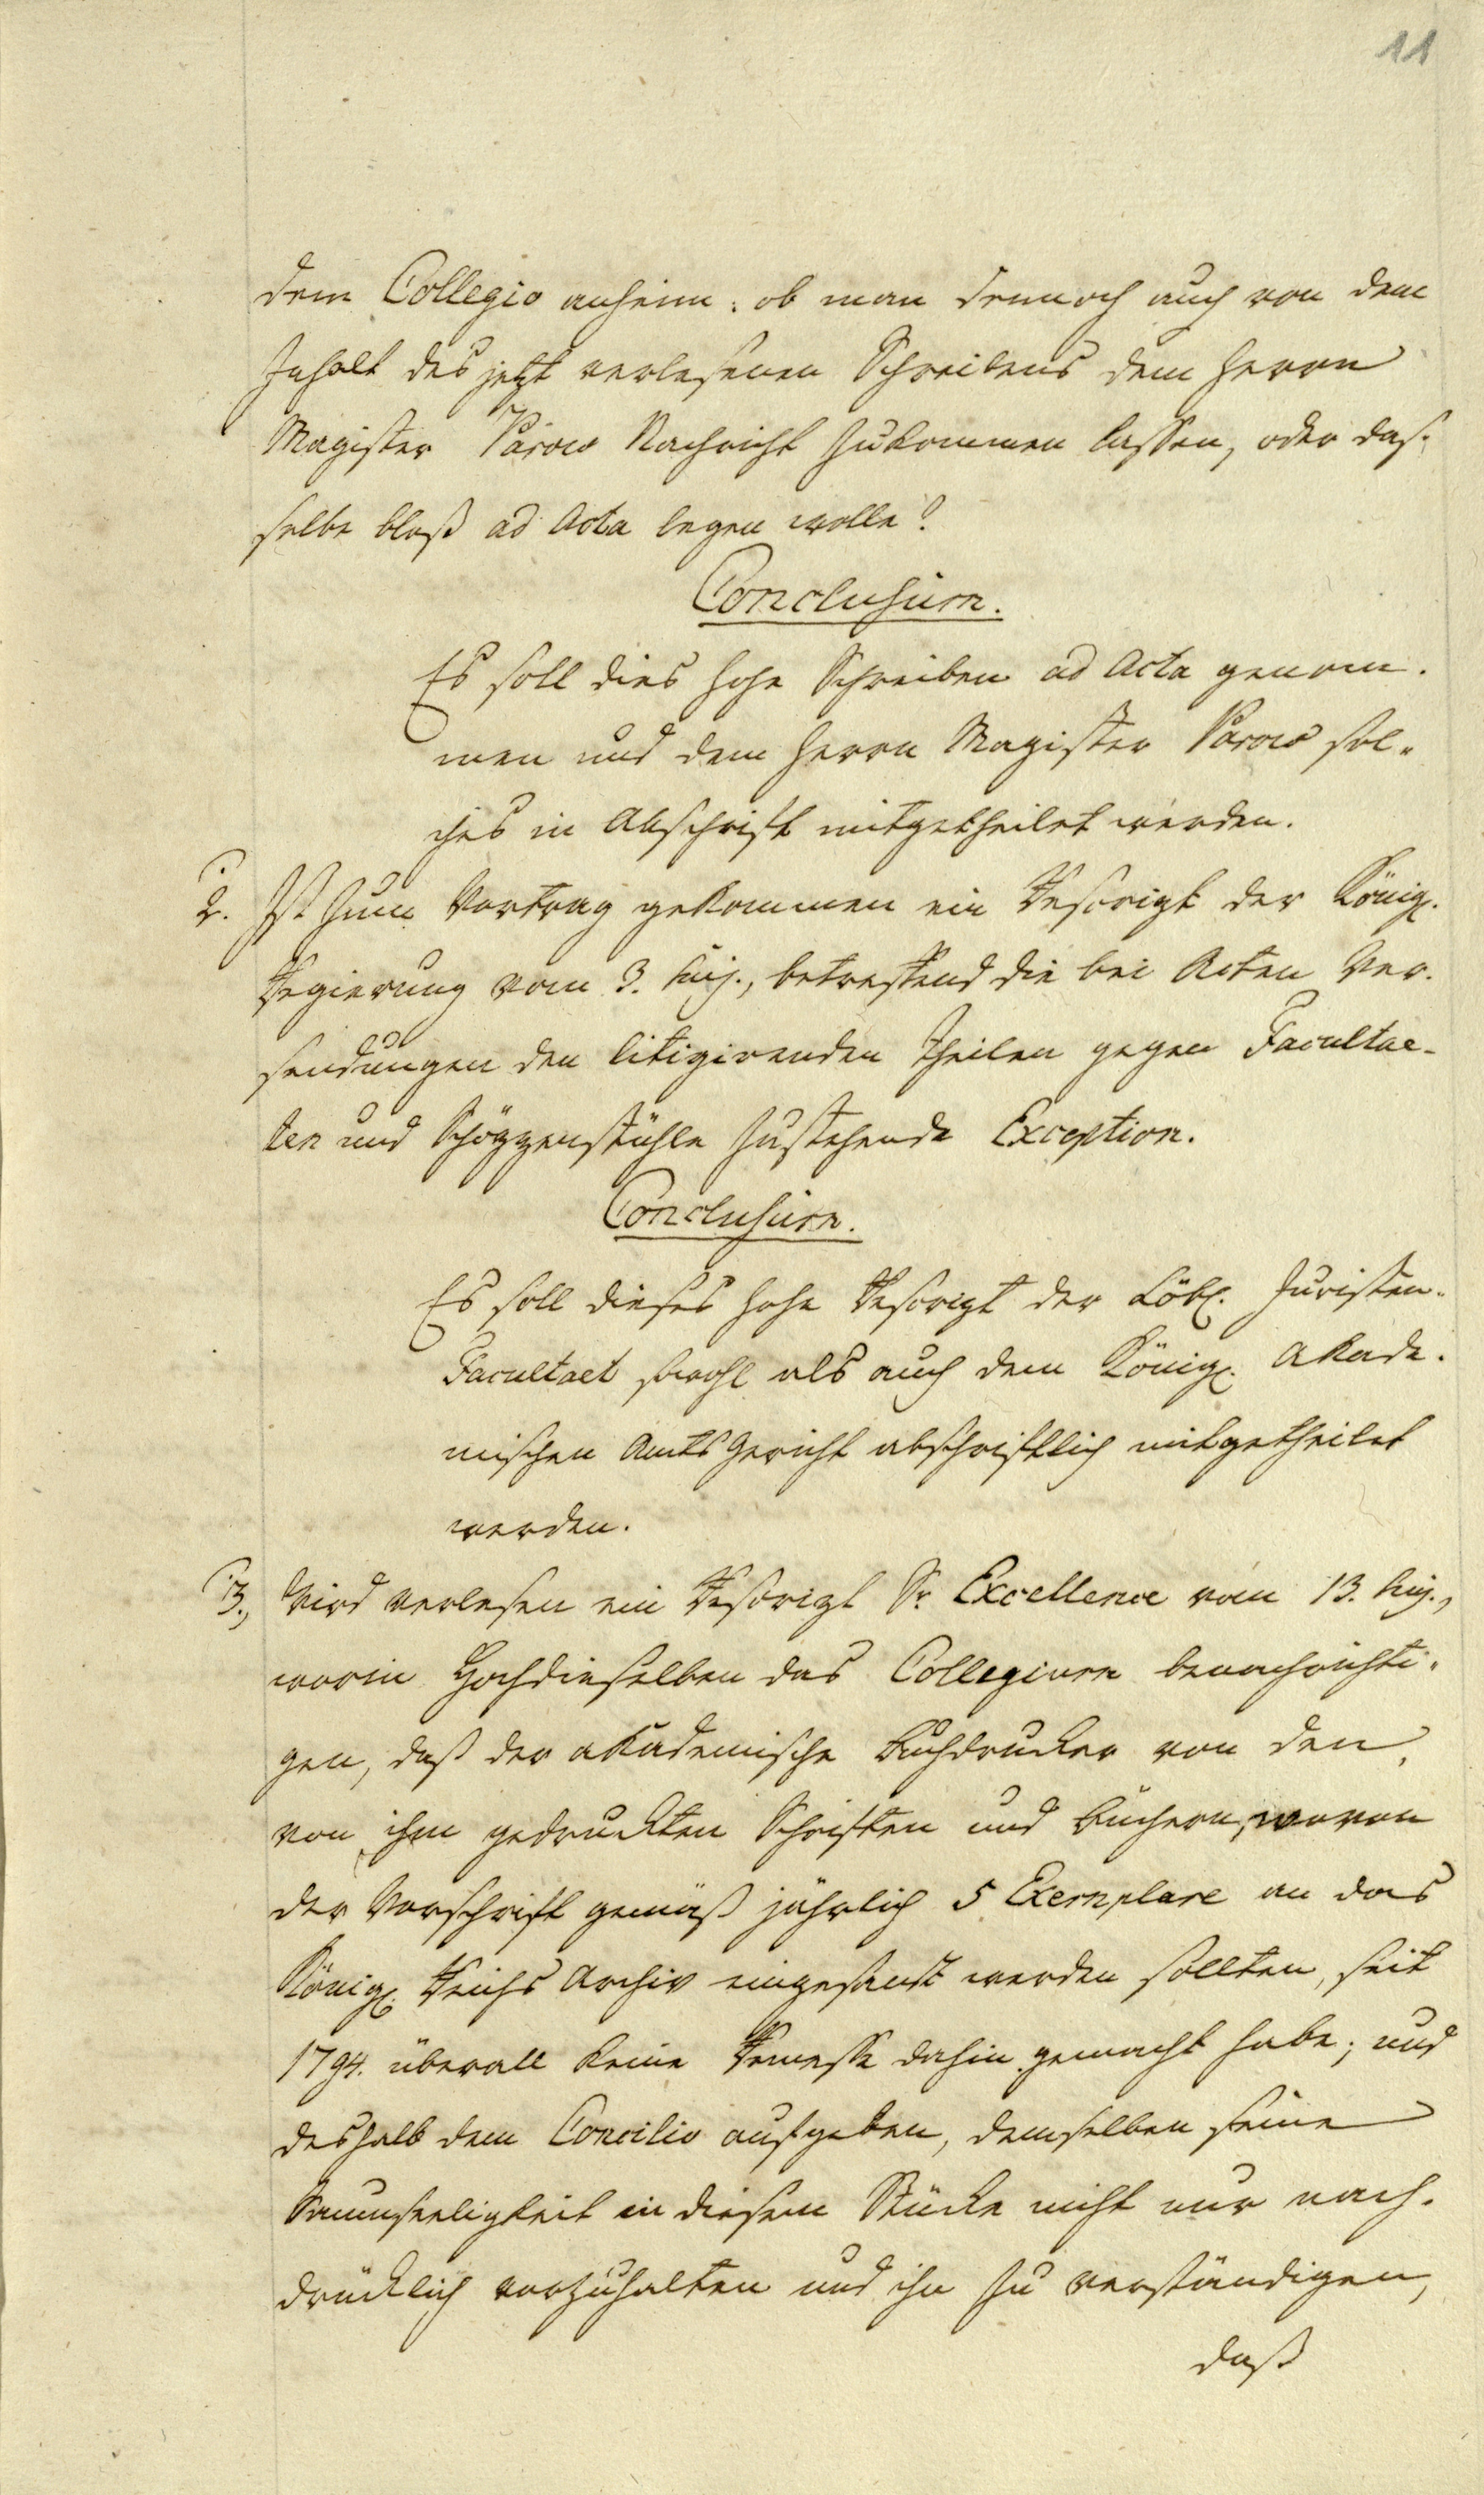dem Collegio anheim, ob man dennoch auch von dem
Inhalt des jetzt verlesenen Schreibens dem herrn
Magister Parow Nachricht zukommen lassen, oder das¬
selbe bloß ad Acta legen wolle!
Conclusum
Es soll dies hohe Schreiben ad Acta genom¬
men und dem herrn Magister Parow sol¬
ches in Abschrift mitgetheilet werden.
2. Ist zum Vortrag gekommen ein Rescript der Königl.
Regierung vom 3. huj., betreffend die bei Acten Ver¬
sendungen den litigirenden Theilen gegen Facultae¬
ten und Schöppenstühle zustehende Exception.
Conclusum
Es soll dieses hohe Rescript der Löbl. Juristen¬
Facultaet sowohl als auch dem Königl. Akade¬
mischen Amtsgericht abschriftlich mitgetheilet
werden.
3., Wird verlesen ein Rescript Sr. Excellence vom 13. huj.,
worin Hochdieselben das Collegium benachrichti¬
gen, daß der akademische Buchdrucker von den
von ihm gedruckten Schriften und Büchern, wovon
der Vorschrift gemäß jährlich 5 Exemplare an das
Königl. Reichs Archiv eingesandt werden sollten, seit
1794. überall keine Remesse dahin gemacht habe, und
deshalb dem Concilio aufgeben, demselben seine
Saumseeligkeit in diesem Stücke nicht nur nach¬
drücklich vorzuhalten und ihn zu verständigen
daß